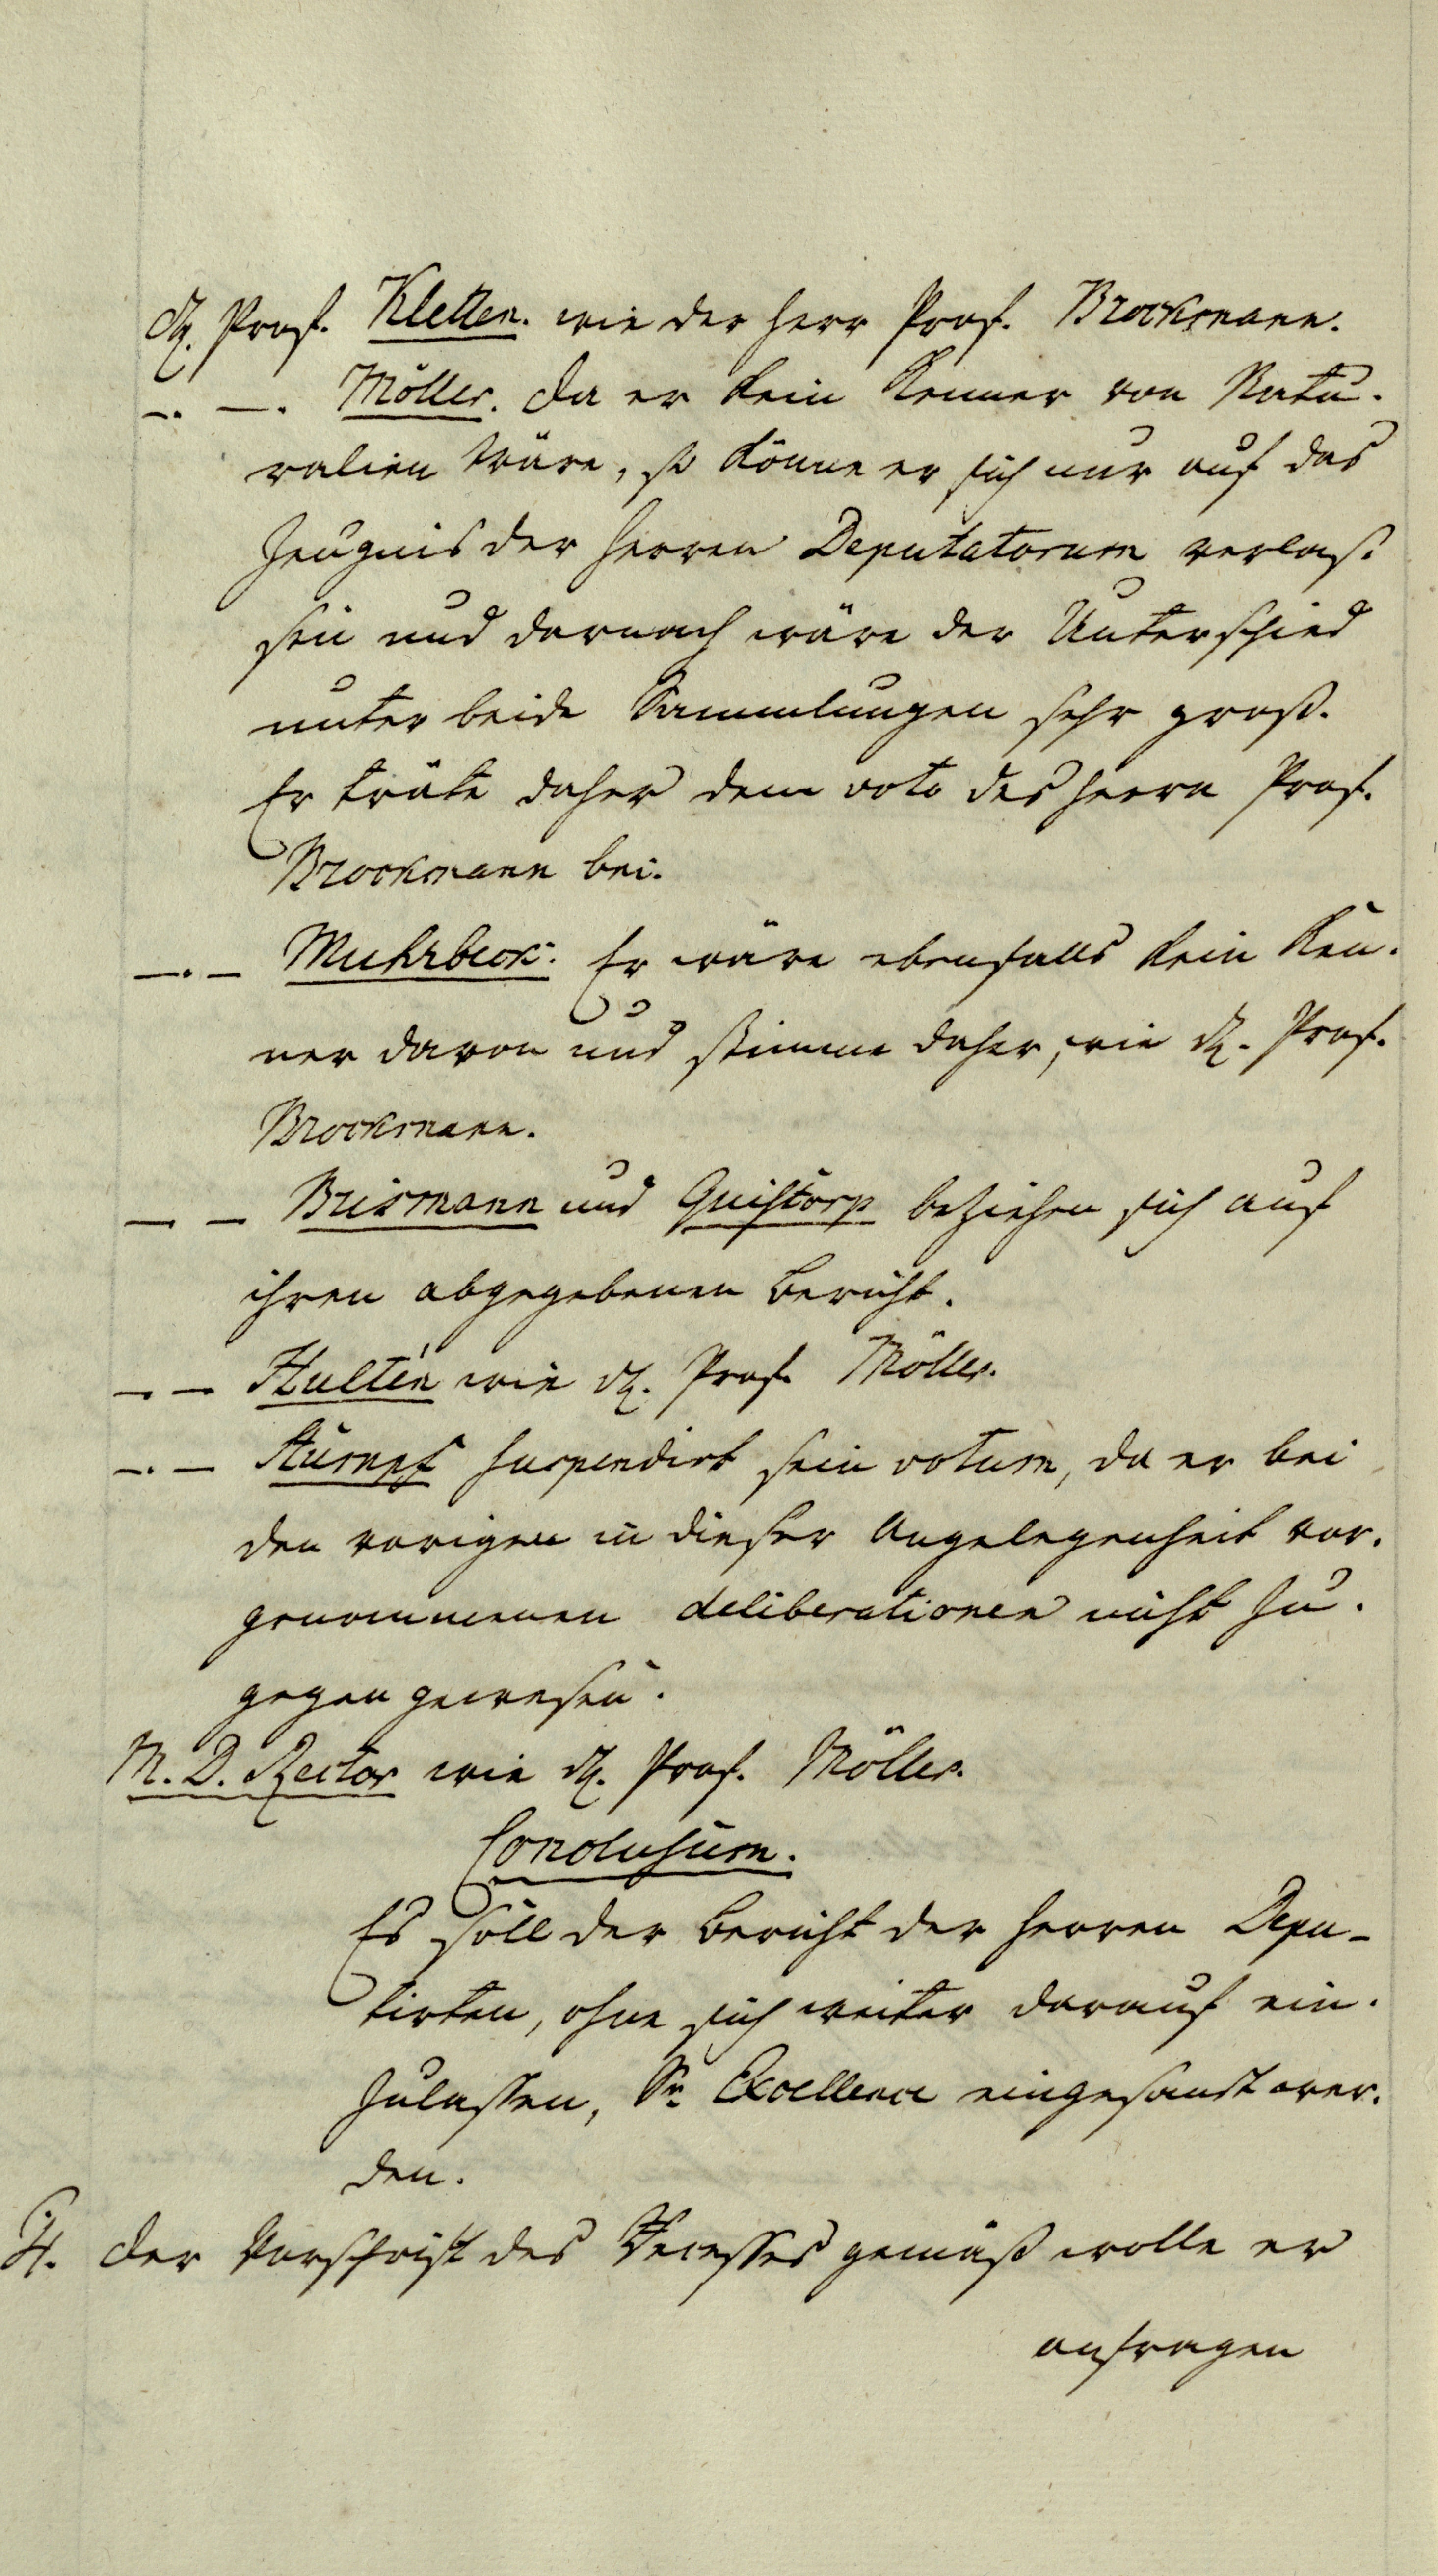dh. Prof. Kletten. wie der Herr Prof. Brockmann.
Möller. Da er kein Kenner von Natu¬
ralien wäre, so könne er sich nur auf das
Zeugnis der Herren Deputatorum verlas¬
sen und darnach wäre der Unterschied
unter beide Sammlungen sehr groß.
Er träte daher dem voto des Herrn Prof.
Brockmann bei.
Muhrbeck. Er wäre ebenfalls kein Ken¬
ner davon und stimme daher, wie dh. Prof.
Brockmann.
Brismann und Quistorp beziehen sich auf
ihren abgegebenen Bericht.
Hultén wie dh. Prof. Möller.
Stumpf suspendirt sein votum, da er bei
den vorigen in dieser Angelegenheit vor¬
genommenen deliberationen nicht zu¬
gegen gewesen.
M. D. Rector wie dh. Prof. Möller.
Conclusum.
Es soll der Bericht der Herren Depu¬
tirten, ohne sich weiter darauf ein¬
zulassen, Sr. Excellence eingesandt wer¬
den.
4. Der Vorschrift des Recesses gemäß wolle er
anfragen